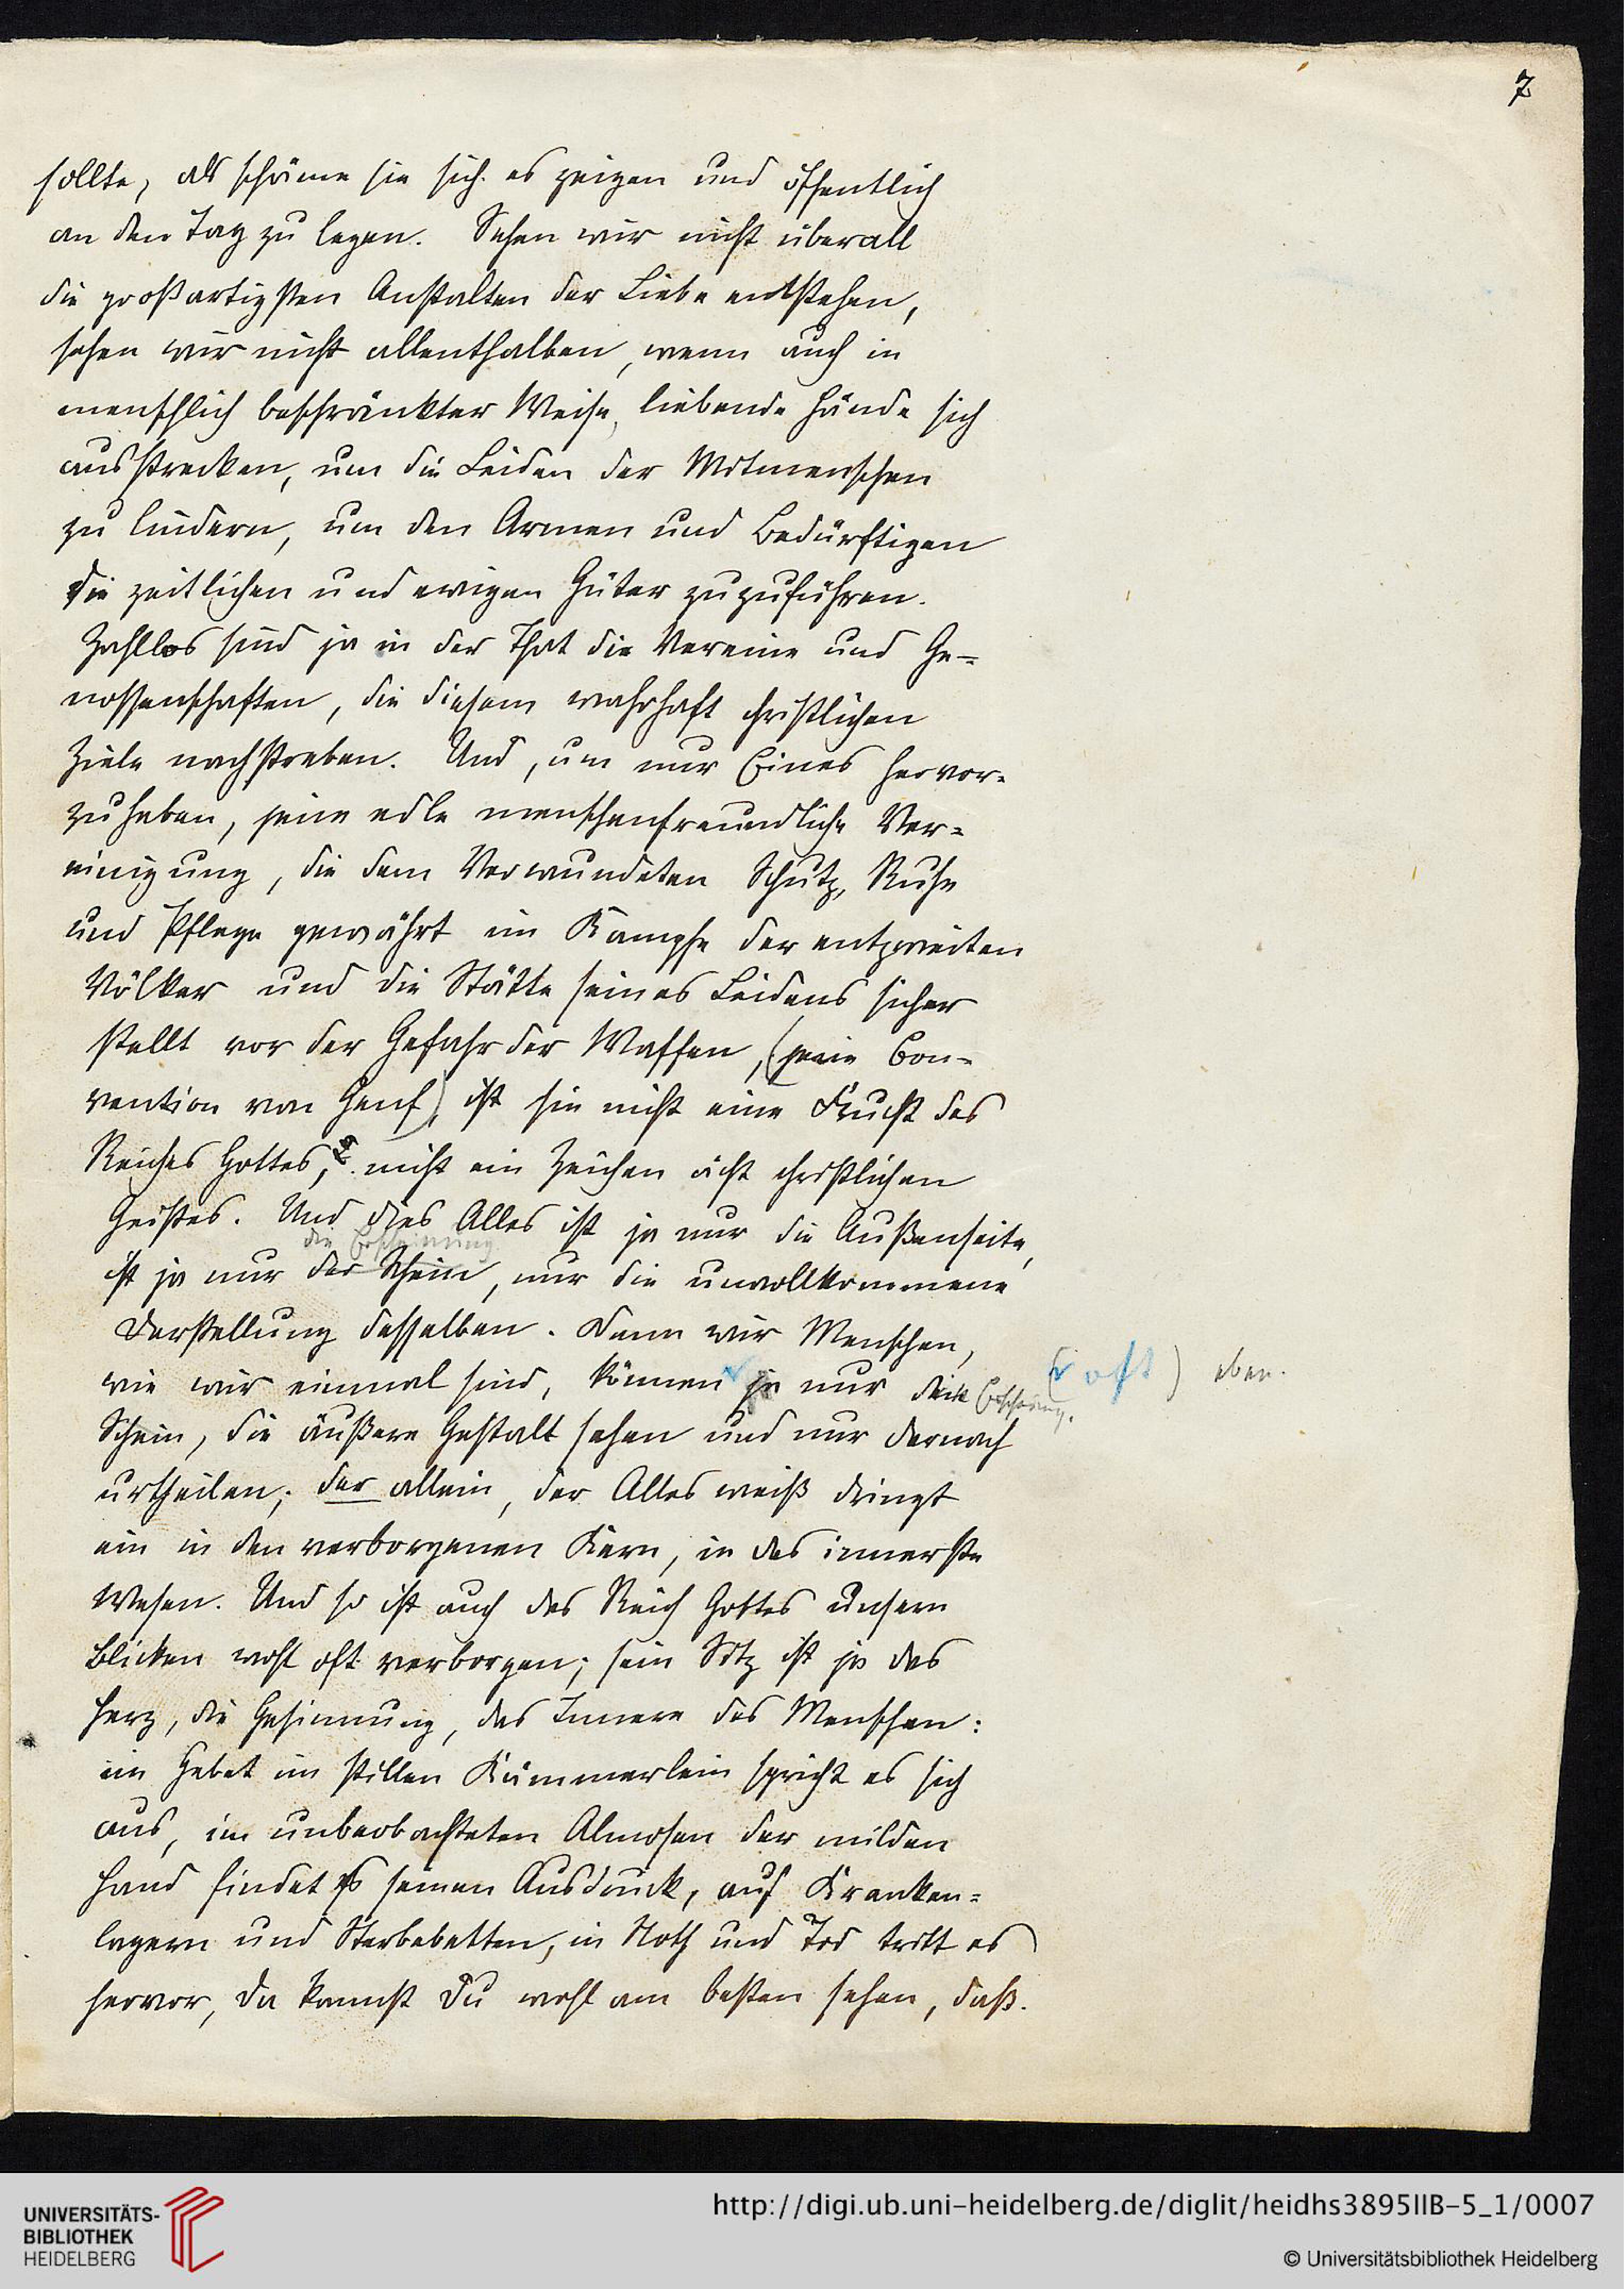sollte, als schäme sie sich es zeigen und öffentlich
an den Tag zu legen. Sehen wir nicht überall
die großartigsten Anstalten der Liebe entstehen,
sehen wir nicht allenthalben, wenn auch in
menschlich beschränkter Weise, liebende Hände sich
ausstrecken, um die Leiden der Mitmenschen
zu lindern, um den Armen und Bedürftigen
die zeitlichen und ewigen Güter zuzuführen.
Zahlos sind ja in der That die Vereine und Ge¬
nossenschaften, die diesem wahrhaft christlichen
Ziele nachstreben. Und, um nur Eines hervor¬
zuheben, seine edle menschenfreundliche Ver¬
einigung, die dem Verwundeten Schutz, Ruhe
und Pflege gewöhrt im Kampfe der entzweiten
Völker und die Stötte seines Leidens tiefer
stellt vor der Gefahr der Waffen, (jene Con¬
vention von Genf), ist sie nicht eine Frucht des
Reiches Gottes, nicht ein Zeichen ächt christlichen
Geistes. Und dies Alles ist ja nur die Außenseite,
die Erscheinung
ist ja nur der Schein, nur die unvollkommene
Darstellung desselben. Denn wir Menschen,
(n oft) eben
wie wir einmal sind, können V ja nur diese Erscheinung
Schein, die äußere Gestalt sehen und nur dernach
urtheilen; der allein, der Alles weiß dringt
ein in den verborgenen Kern, in das innerste
Wesen. Und so ist auch das Reich Gottes unsern
Blicken wohl oft verborgen; sein Sitz ist ja das
Herz, die Gesinnung, das Innere des Menschen:
im Gebet im stillen Kämmerlein spricht es sich
aus, im unbeobachteten Almosen der milden
Hand findet es seinen Ausdruck, auf Kranken¬
lagern und Sterbebetten, in Noth und Tod tritt es
hervor, da kannst du wohl am besten sehen, daß
7